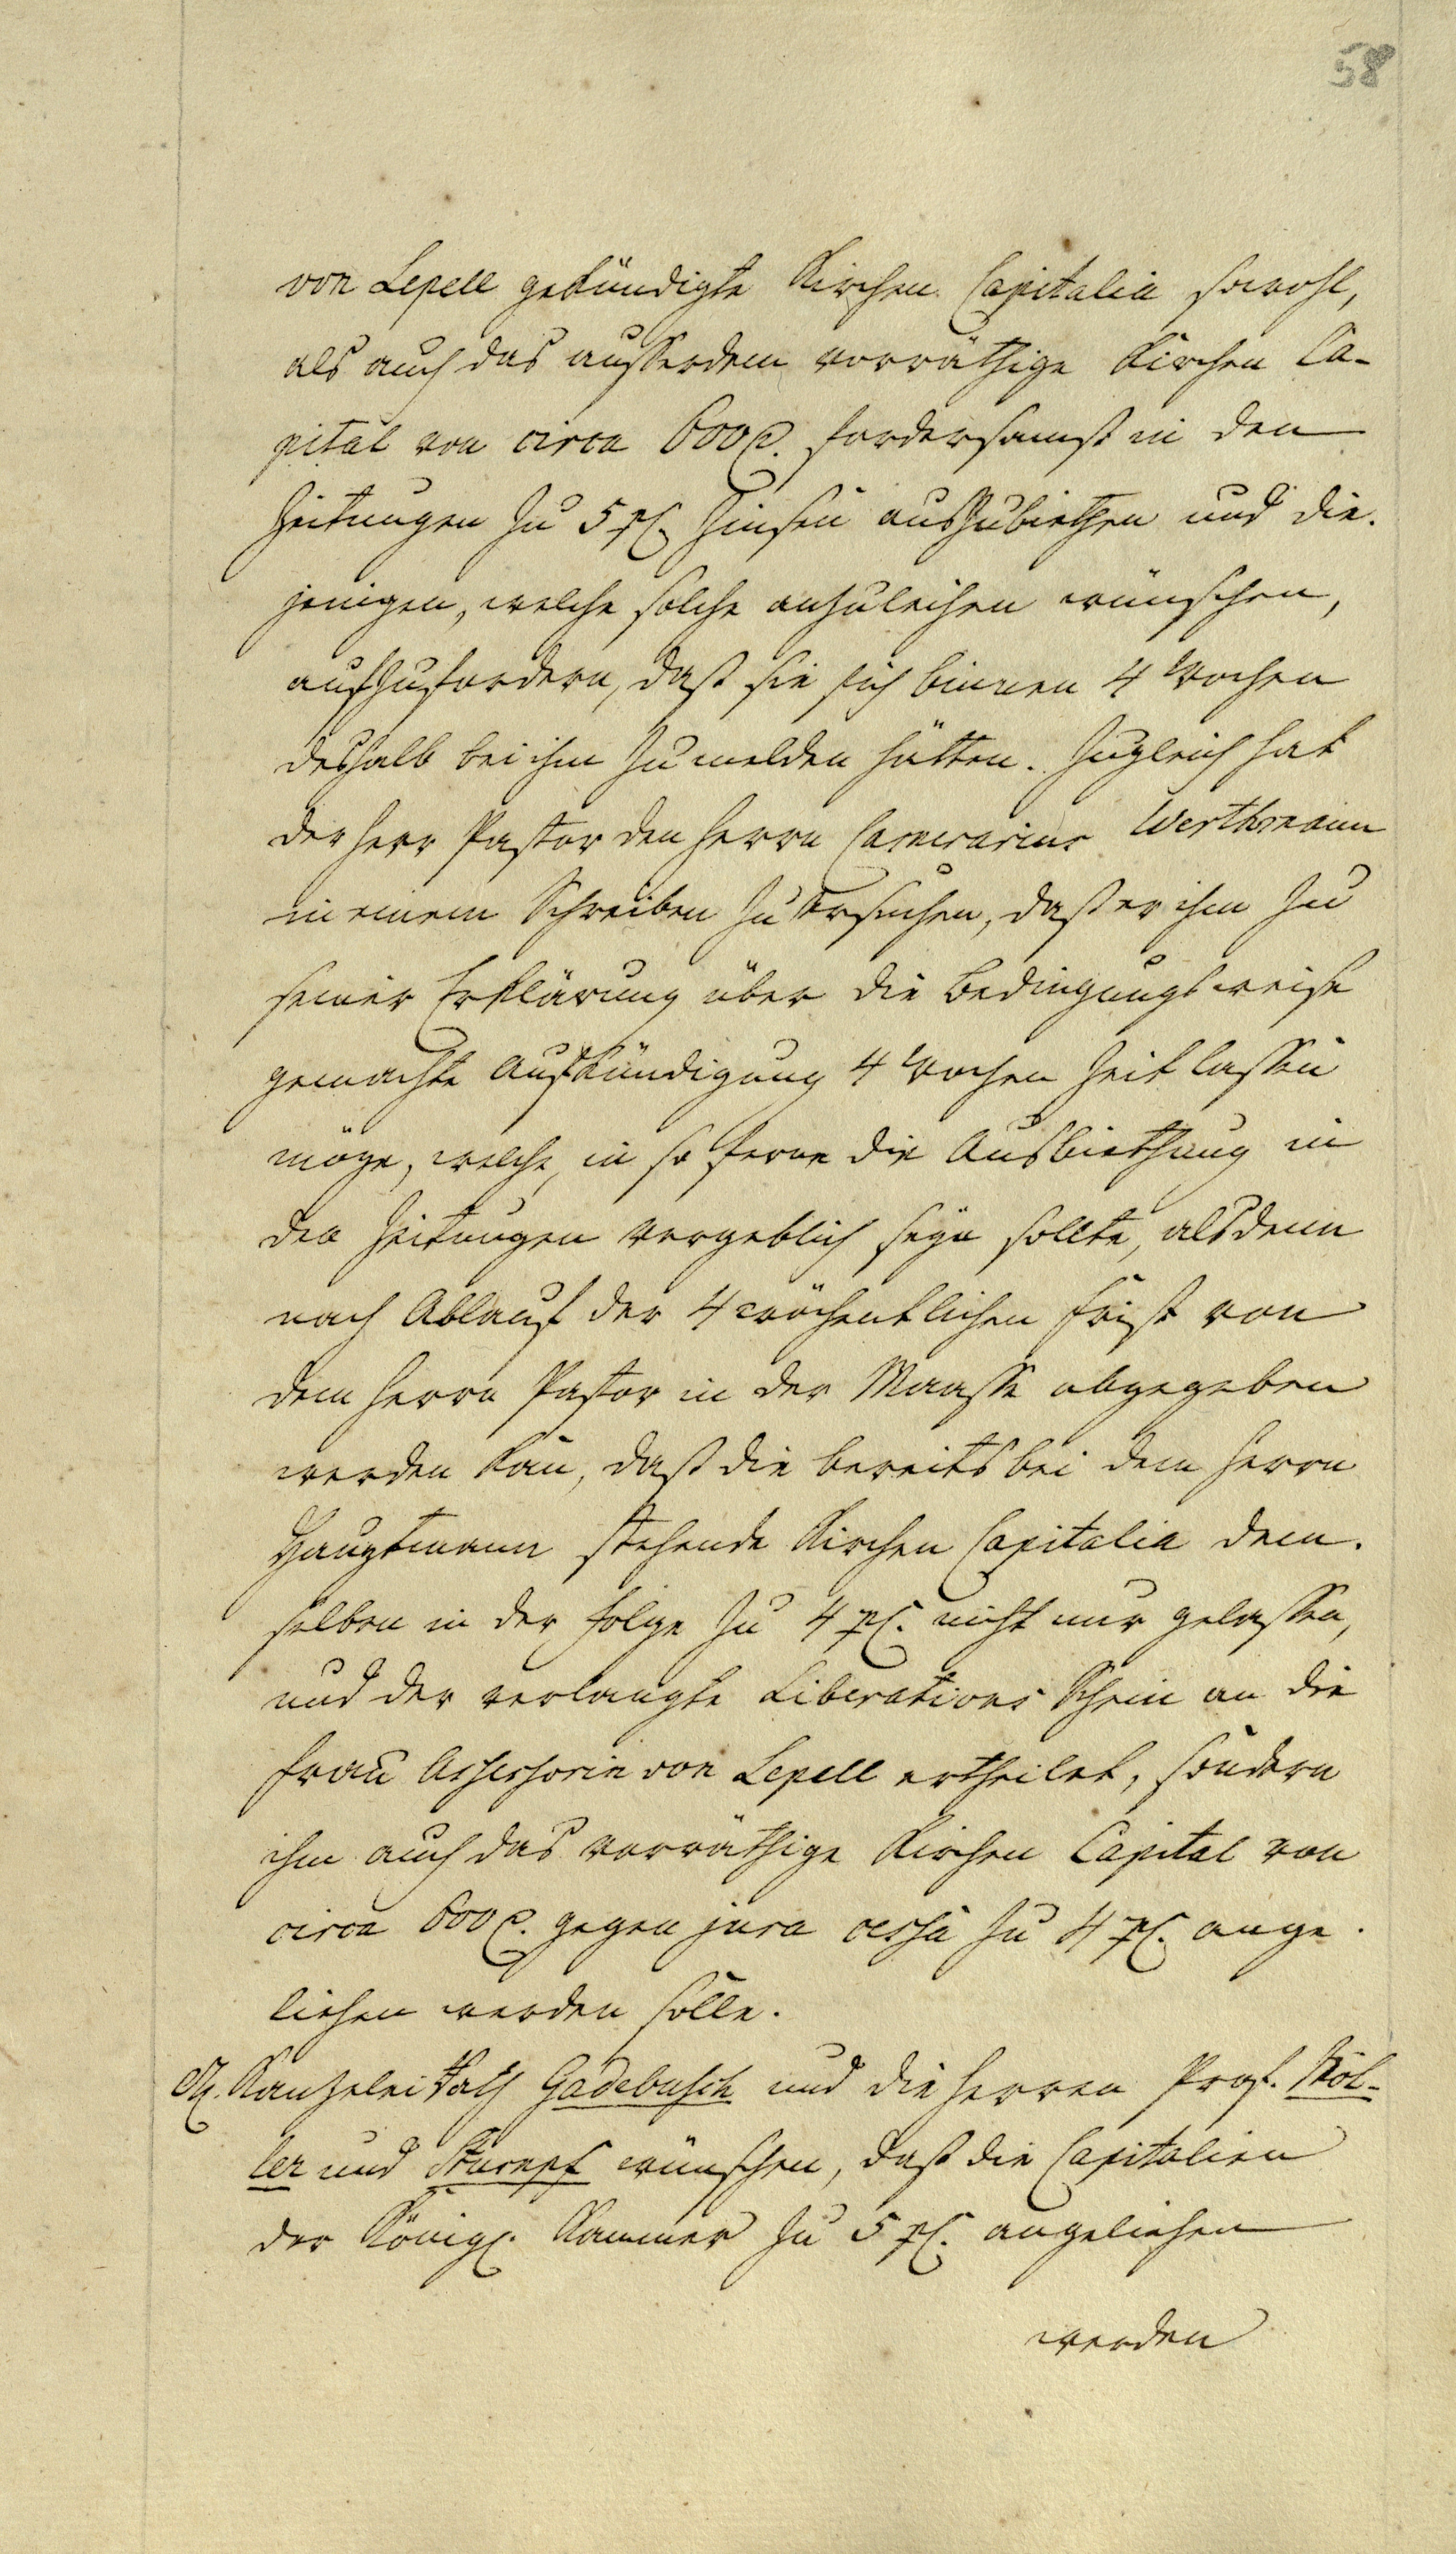von Lepell gekündigte Kirchen Capitalia sowohl,
als auch das ausserdem vorräthige Kirchen Ca¬
pital von circa 600 l. fordersamst in den
Zeitungen zu 5 pl. Zinsen auszubiethen und die¬
jenigen, welche solche anzuleihen wünschen,
aufzufordern, daß sie sich binnen 4 Wochen
deshalb bei ihm zu melden hätten. Zugleich hat
der Herr Pastor den Herrn Camerarius Werthmann
in einem Schreiben zu ersuchen, daß er ihm zu
seiner Erklärung über die Bedingungsweise
gemachte Aufkündigung 4 Wochen Zeit lassen
möge, welche in so ferne die Ausbiethung in
den Zeitungen vergeblich seÿn sollte, alsdenn
nach Ablauf der 4 wöchentlichen Frist von
dem Herrn Pastor in der Maasse abgegeben
werden kan, daß die bereits bei dem Herrn
Hauptmann stehende Kirchen Capitalia dem¬
selben in der Folge zu 4 pl. nicht nur gelassen,
und der verlangte Liberations Schein an die
Frau Assessorin von Lepell ertheilet, sondern
ihm auch das vorräthige Kirchen Capital von
circa 600 l. gegen jura cessa zu 4 pl. ange¬
liehen werden solle.
dh. KanzeleiRath Gadebusch und die Herren Prof. Möl¬
ler und Stumpf wünschen, daß die Capitalien
der Königl. Kammer zu 5 pl. angeliehen
werden